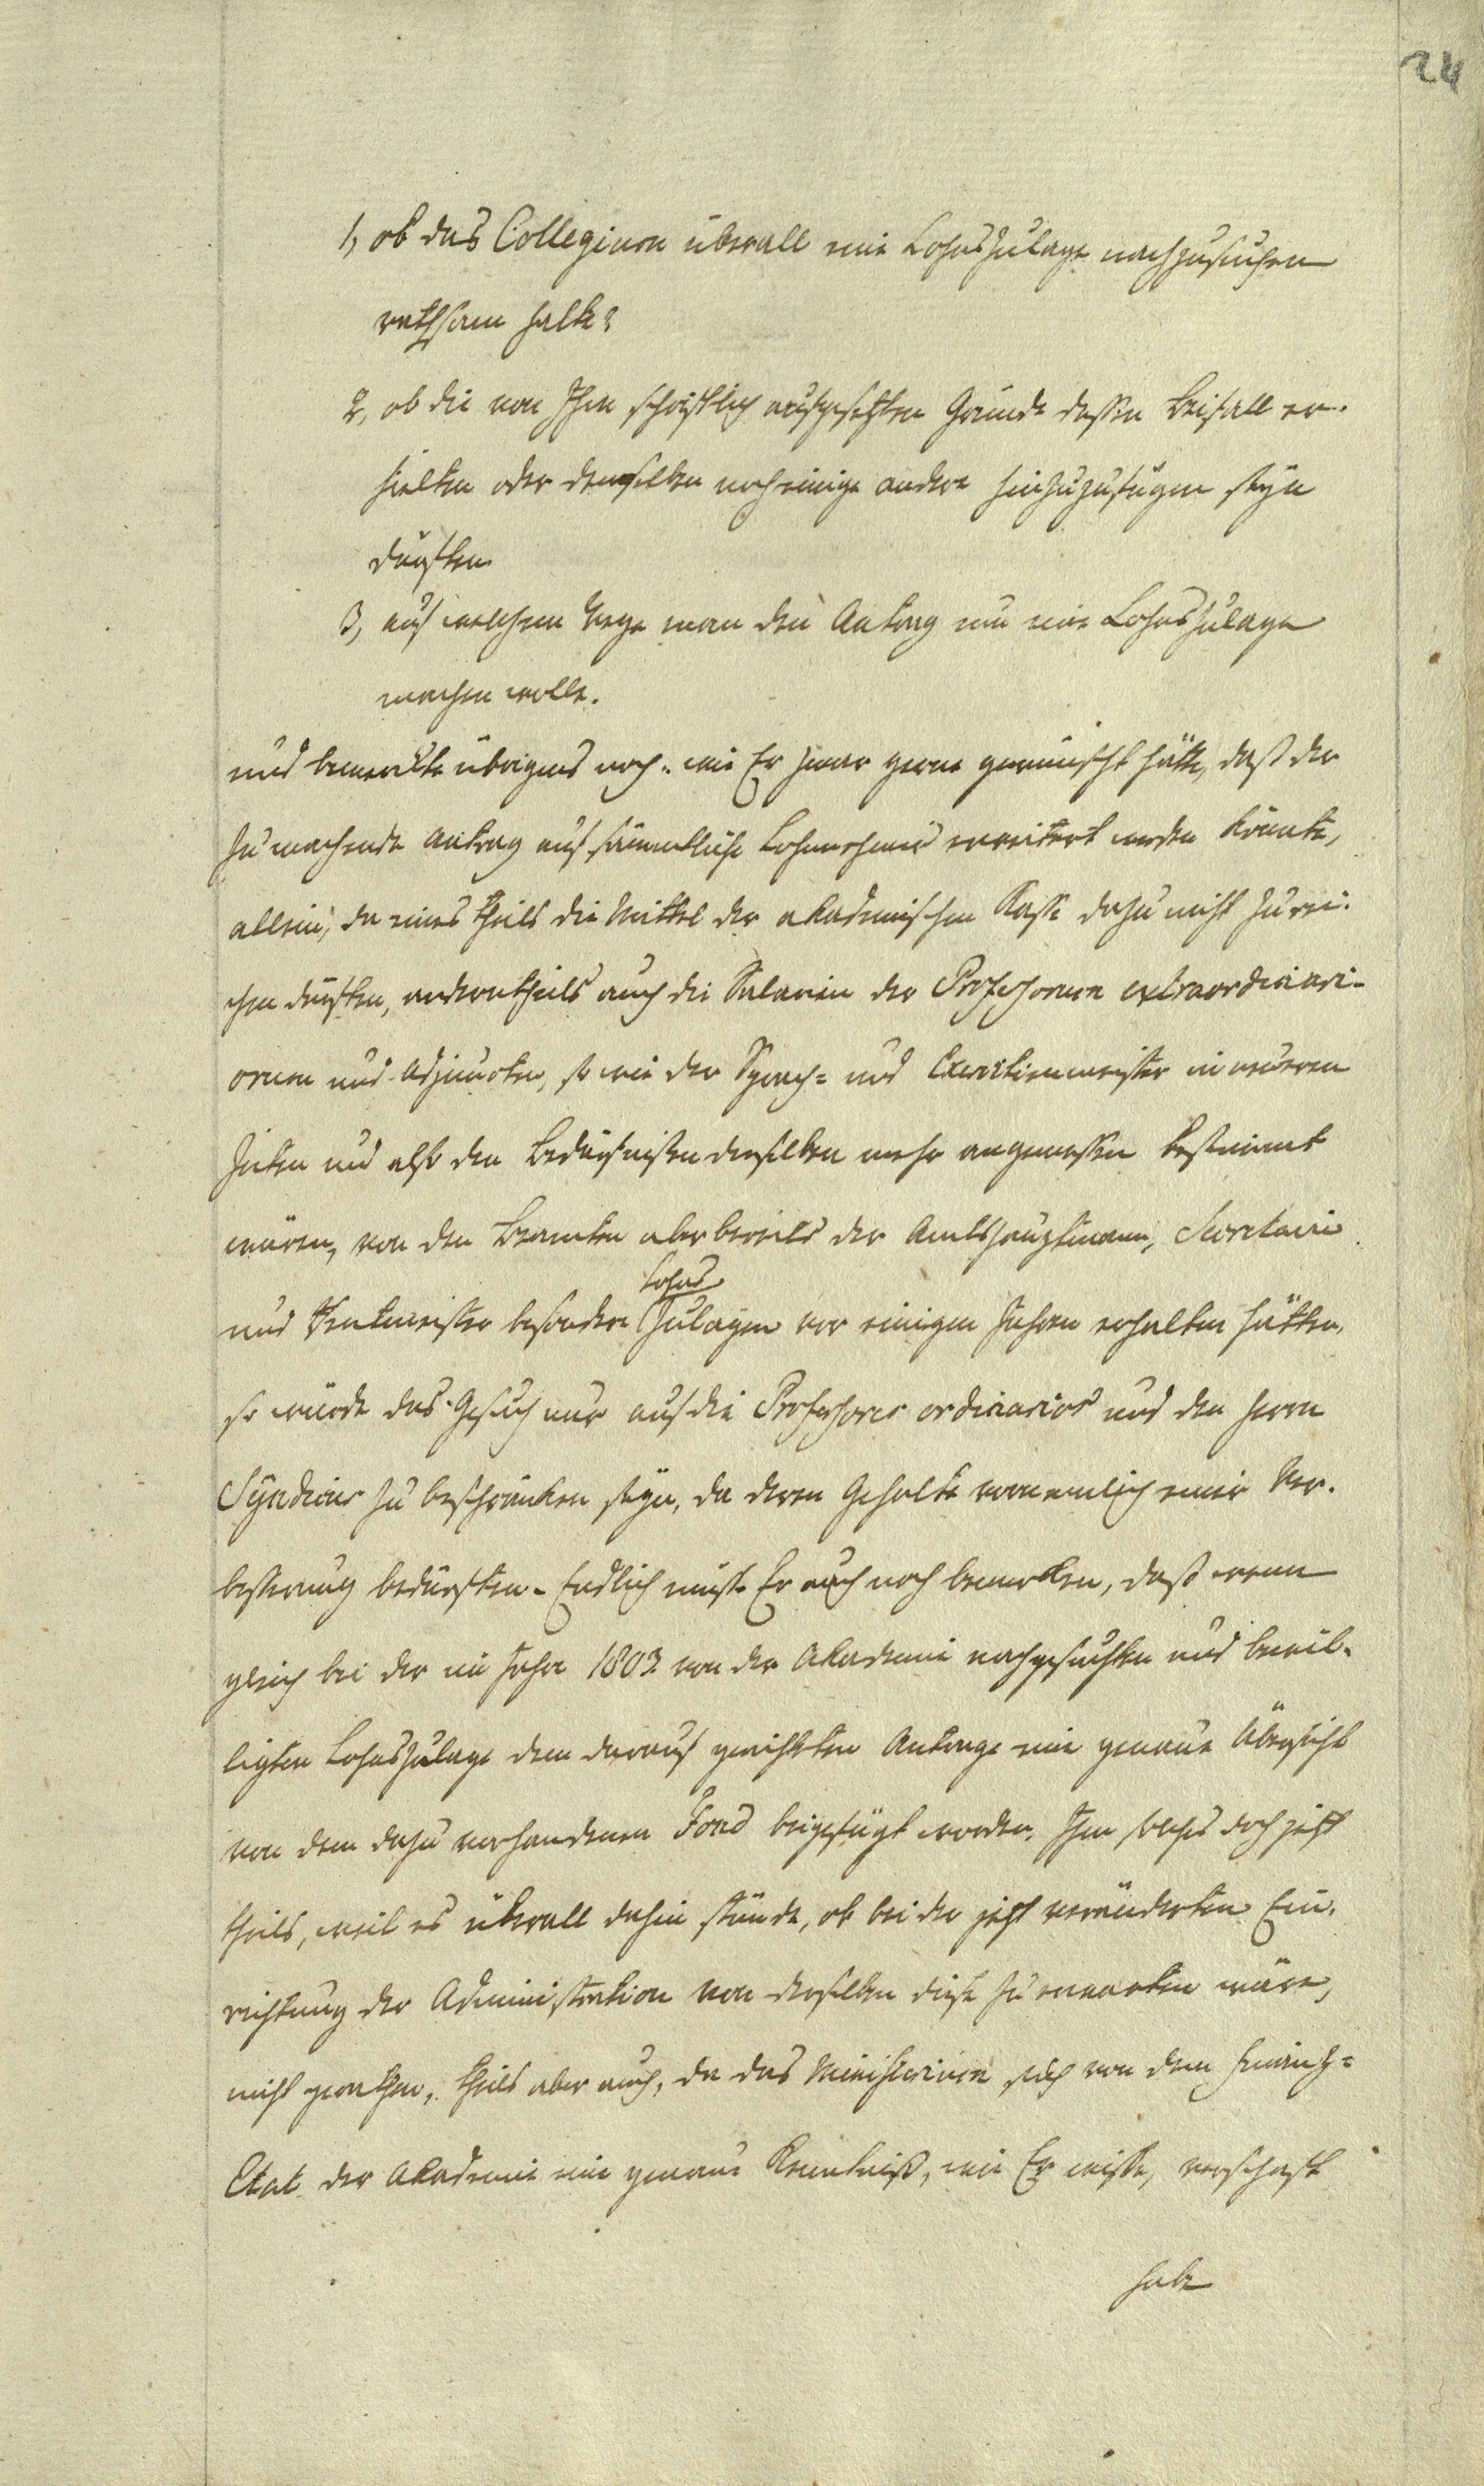1, ob das Collegium überall eine Lohnszulage nachzusuchen
rathsam halte?
2, ob die von Ihm schriftlich aufgesetzten Gründe dessen Beifall er¬
hielten oder demselben noch einige andere hinzuzufügen seÿn
dürften
3, auf welchem Wege man den Antrag um eine Lohnszulage
machen wolle.
und bemerkte übrigens noch: wie Er zwar gerne gewünscht hätte, daß der
zu machende Antrag auf sämmtliche Lohnnehmer erweitert werden könnte,
allein, da eines theils die Mittel der akademischen Kasse dazu nicht zurei¬
chen dürften, anderntheils auch die Salarien der Professorum extraordinari¬
orum und Adjuncten, so wie der Sprach- und Exercitienmeister in neueren
Zeiten und also den Bedürfnissen derselben mehr angemessen bestimmt
wären, von den Beamten aber bereits der Amtshauptmann, Secretair
und Rentmeister besondere Lohnszulagen vor einigen Jahren erhalten hätten,
so würde das Gesuch nur auf die Professores ordinarios und den Herrn
Sÿndicus zu beschräncken seÿn, da deren Gehalte vornemlich einer Ver¬
besserung bedürften. Endlich müsse Er auch noch bemerken, daß wenn
gleich bei der in Jahre 1803. von der Akademie nachgesuchten und bewil¬
ligten Lohnszulage dem darauf gerichteten Antrage eine genaue Übersicht
von dem dazu vorhandenen Fond beigefügt worden. Ihm solches doch jetzt
theils, weil es überall dahin stünde, ob bei der jetzt veränderten Ein¬
richtung der Administration von derselben diese zu erwarten wäre,
nicht gerathen, theils aber auch, da das Ministerium sich von dem Finanz¬
Etat der Akademie eine genaue Kenntniß, wie Er wisse, verschaft
habe